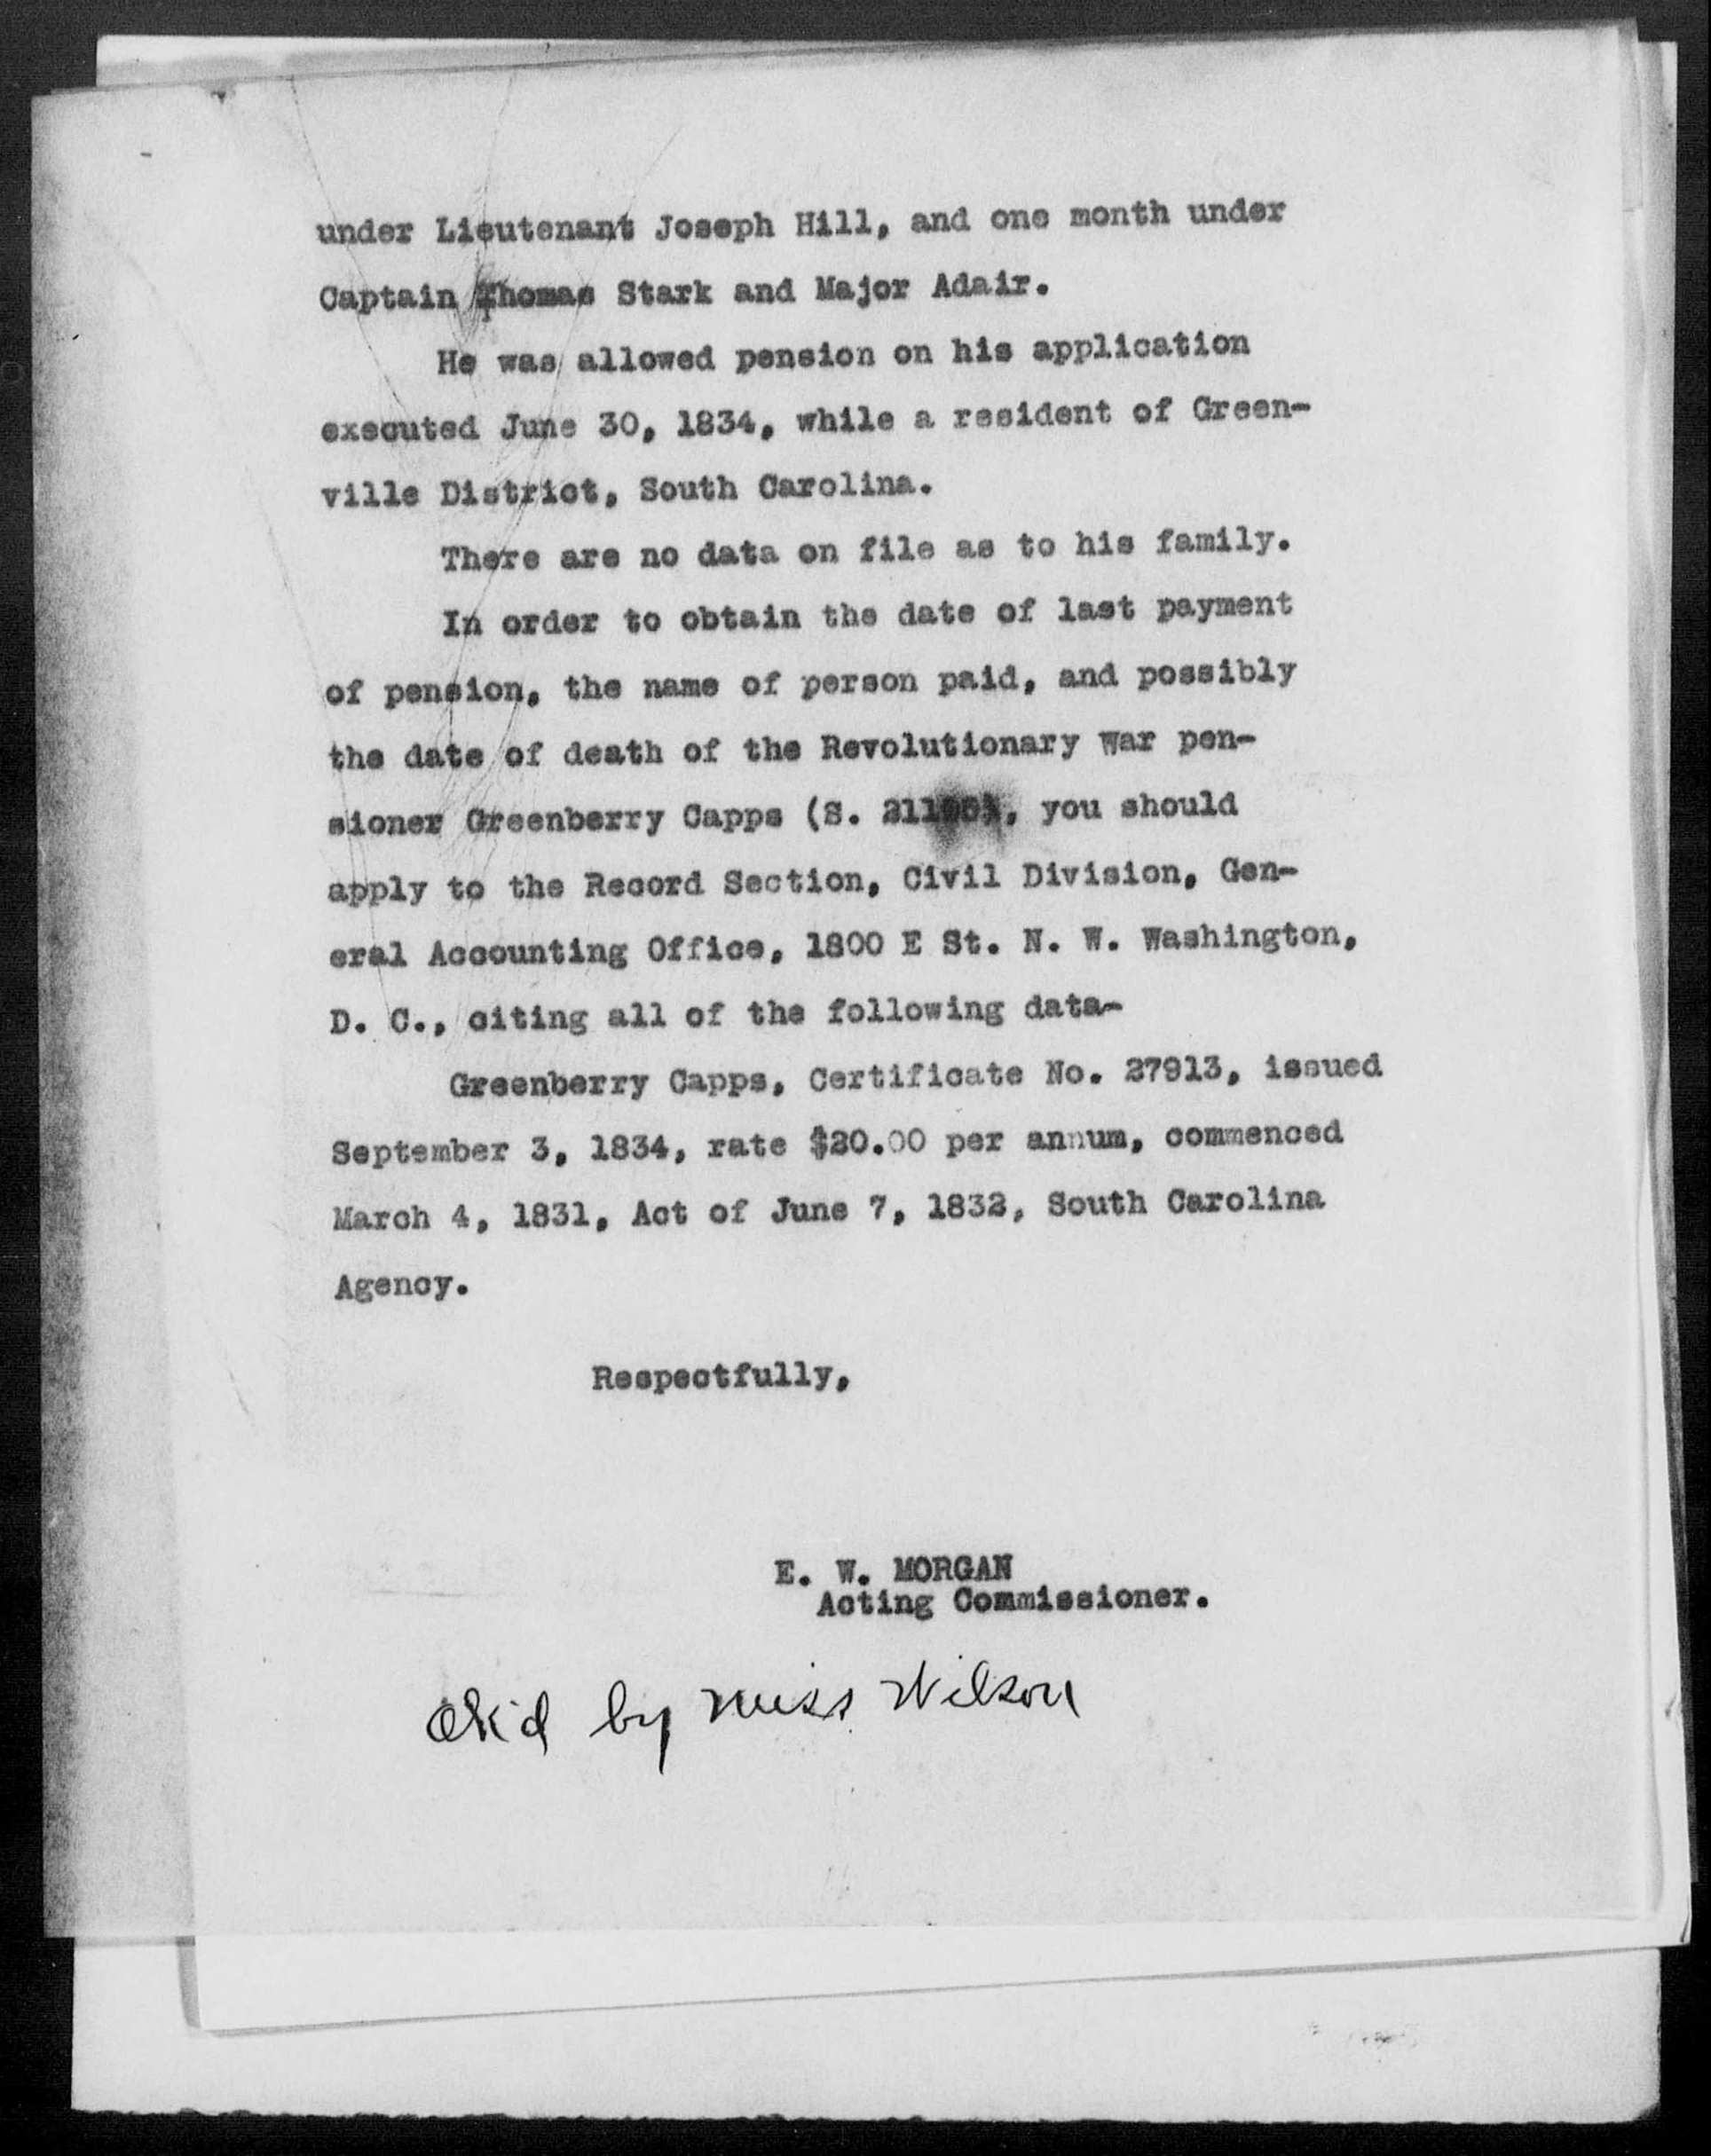under Lieutenant Joseph Hill, and one month under
Captain Thomas Stark and Major Adair.
He was allowed pension on his application
executed June 30, 1834, while a resident of Greenville
District, South Carolina.
There are no data on file as to his family.
In order to obtain the date of last payment
of pension, the name of person paid, and possibly
the date of death of the Revolutionary War pensioner
Greenberry [Greenbery] Capps (s. 211922, you should
apply to the Record Section, Civil Division, General Accounting Office, 1800 E St. N. W. Washington, D.C., citing all of the following data-
Greenberry [Greenbery] Capps, Certificate No. 27913, issued
September 3, 1834, rate $20.00 per annum, commenced
March 4, 1831, Act of June 7, 1832, South Carolina
Agency.

Respectfully,
E. W. MORGAN
Acting Commissioner.
[handwritten] ok'd by Miss Wilson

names: Greenberry Capps, Thomas Stark, Wilson, E W Morgan, Adair, Joseph Hill, Greenberry Capps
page: 23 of 26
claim: survivor's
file: S. 21105, Greenbery Caps, S.C.